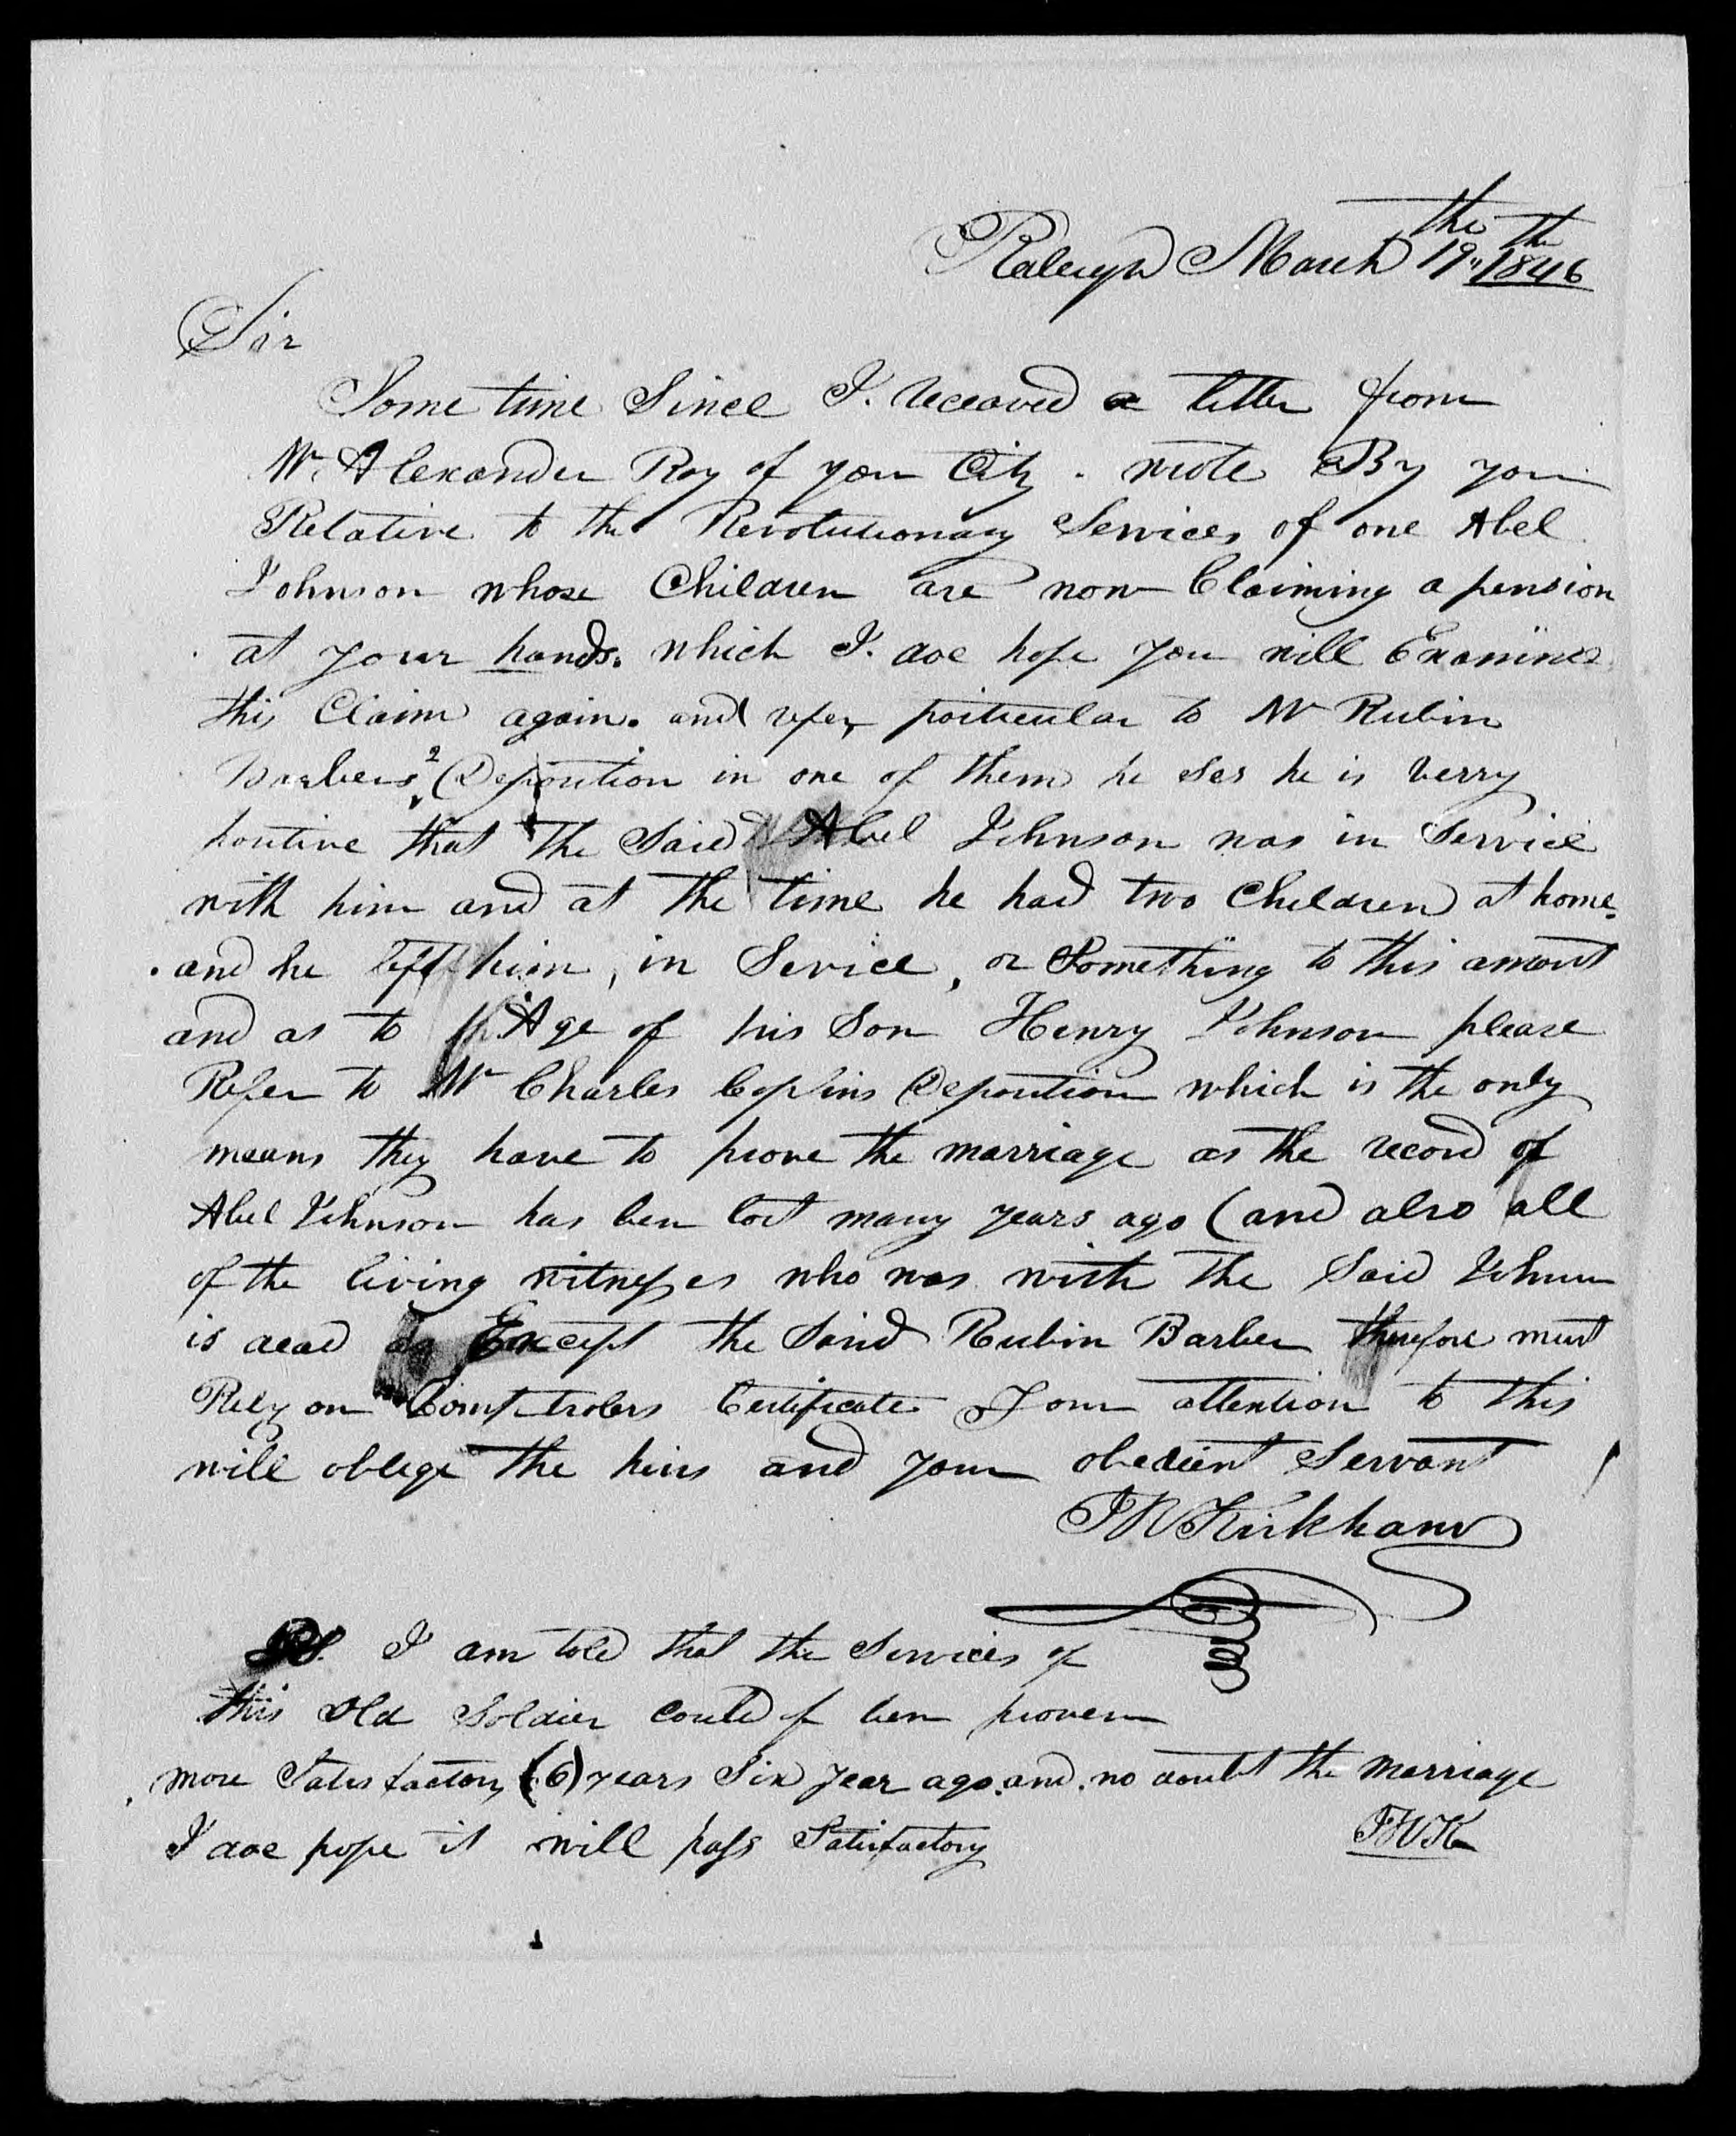Raleigh, North Carolina March 19th, 1846 Sir, Some time since I received a letter from Mr. Alexander Ray of your city who wrote by your relative to the Revolutionary Service of one Abel Johnson whose children are now claiming a pension at your hands. which I do hope you will Examine the claim again. And refer particular to Mr. Rubin Barbers Deposition in one of them. He says he is very certain that the said Abel Johnson was in service with him at the time he had two children at home and he left him, in Service, to something to this account and as to the age of his son Henry Johnson please refer to Mr. Charles Coplins Deposition which is the only means they have to prove the marriage as the record of Abel Johnson has been lost many years ago (and also all of the living witnesses who was with the said Johnson is dead except the said Rubin Barber. Therefore, must rely on Comptroller’s certificate.  Your attention to this will oblige the heirs and your obedient Servant  J. R. Kirkham I am told that the services of this old soldier could of been proven more satisfactory (6) years six year ago and no doubt the marriage. I do hope it will pass satisfactory.  J. R. K.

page: 37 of 74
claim: rejected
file: R. 5600, for Abel Johnson, North Carolina